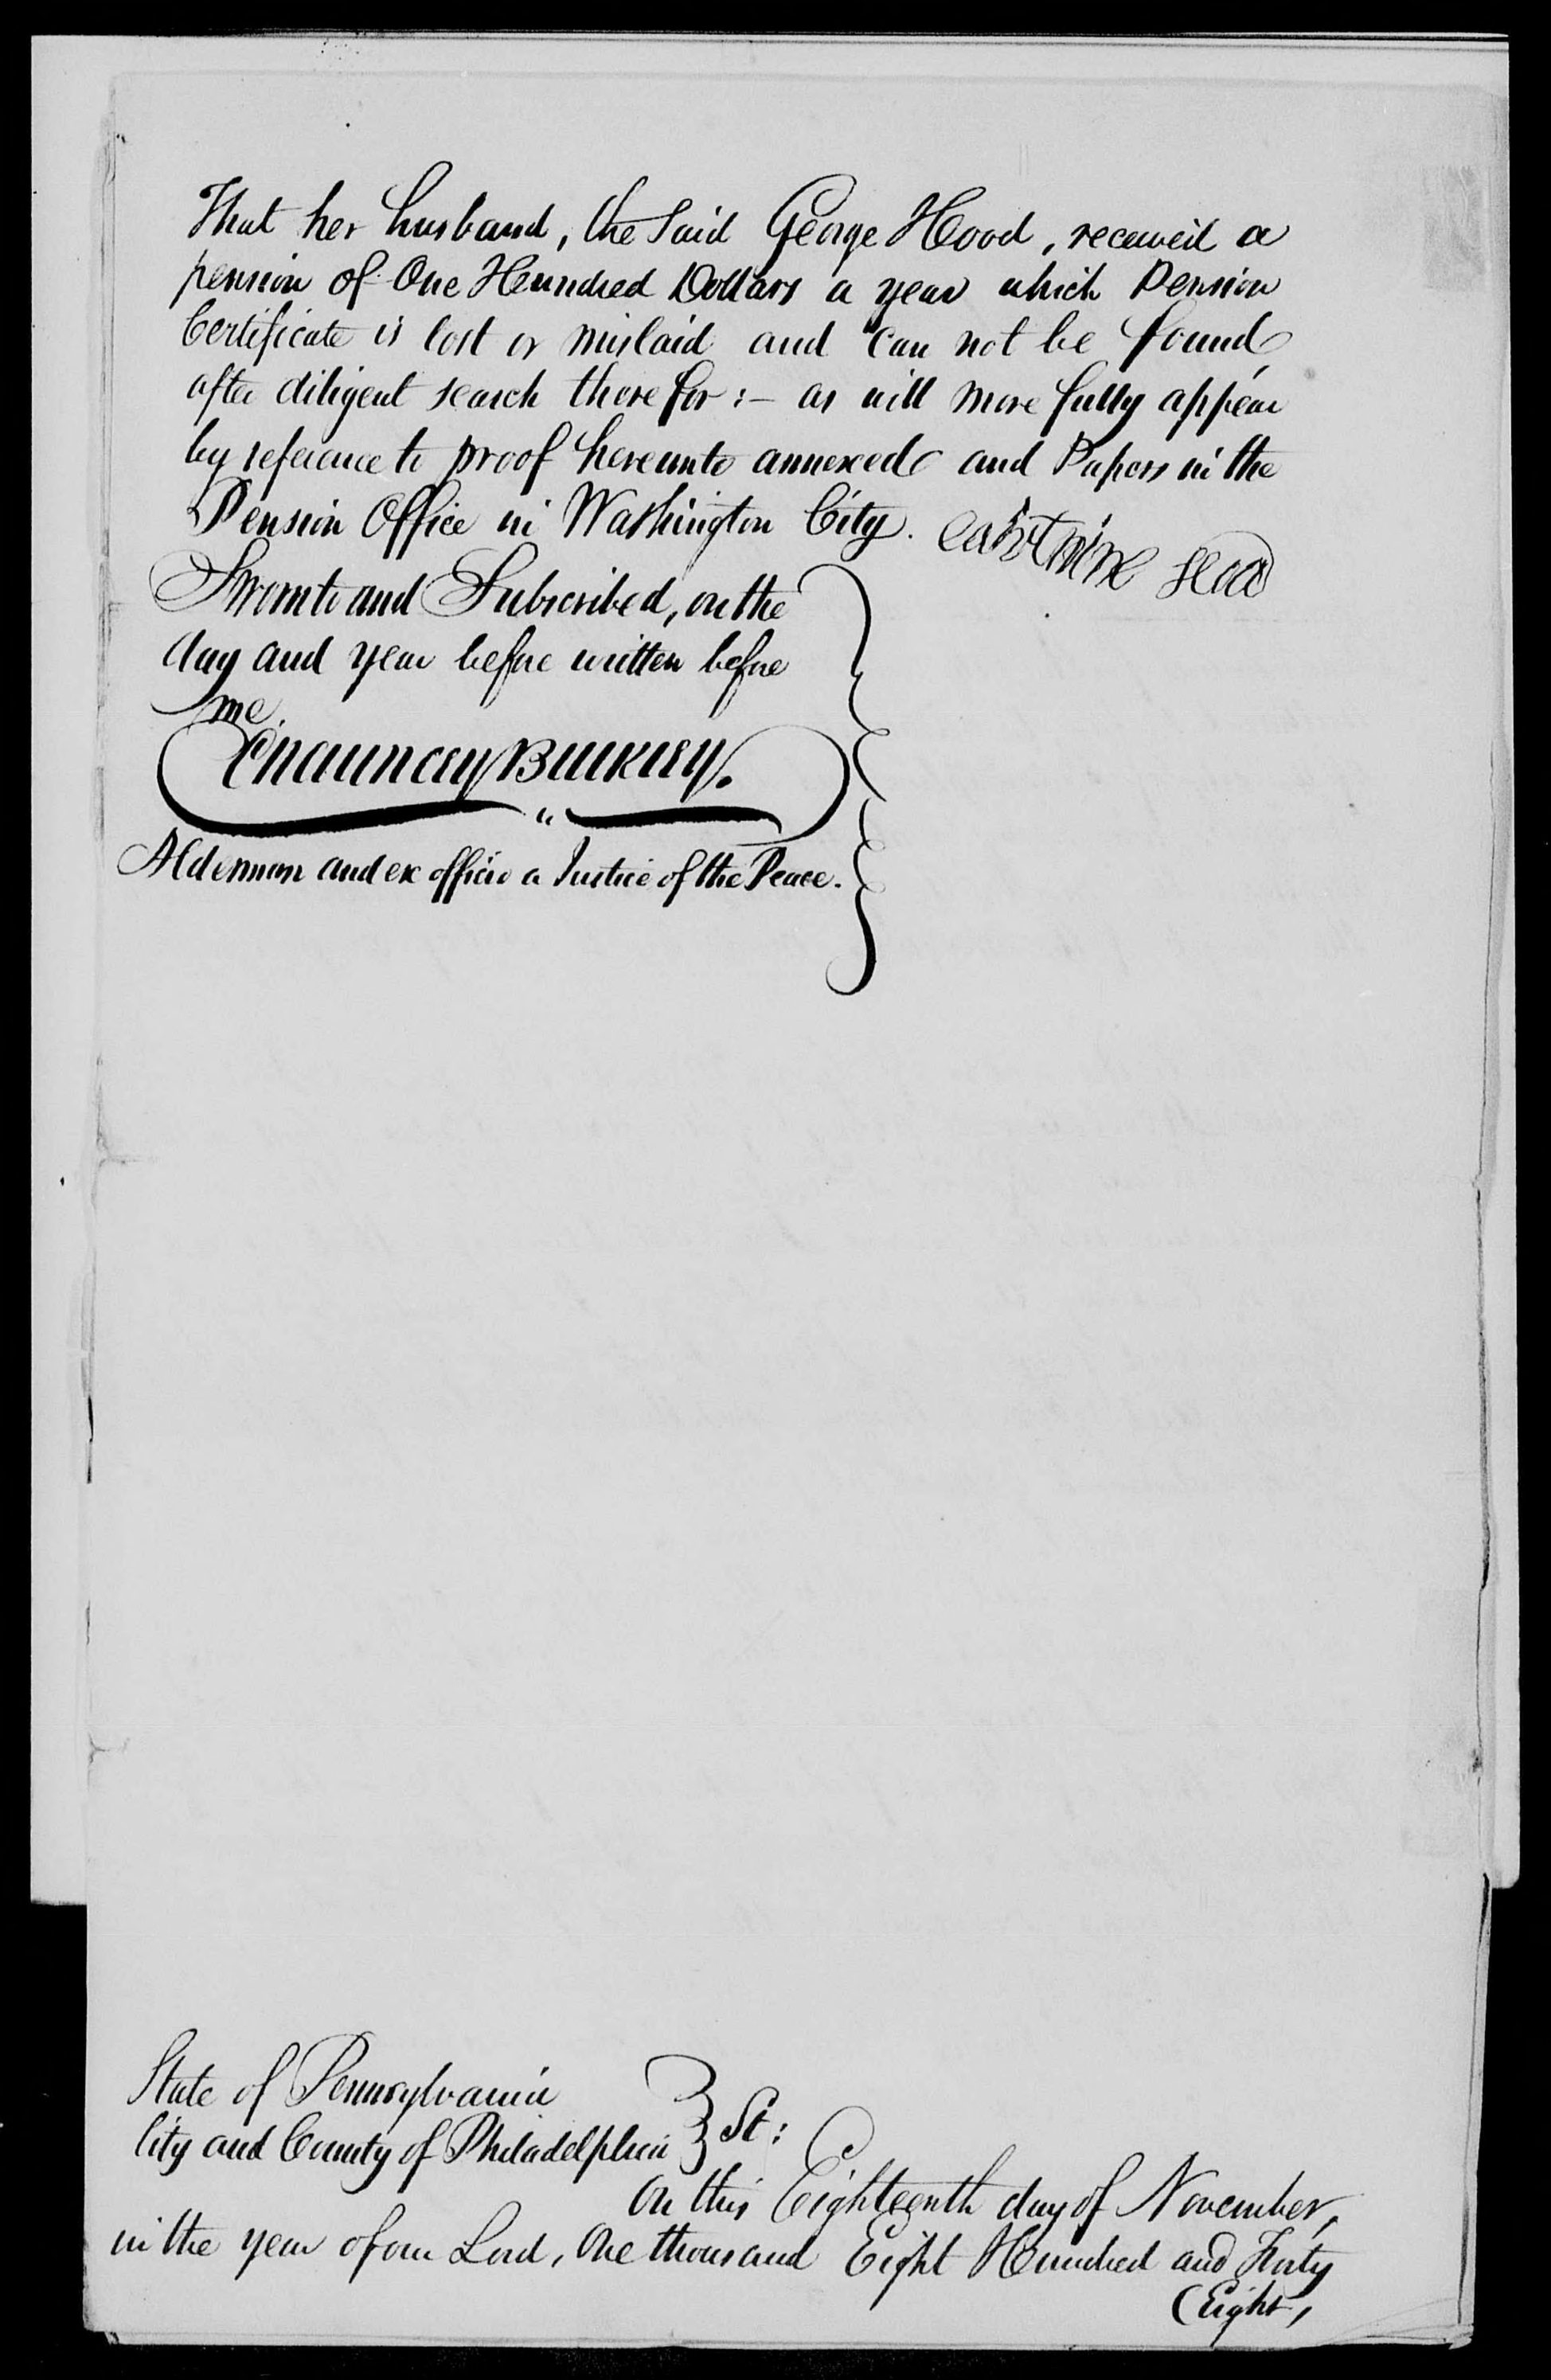That her husband, the said George Hood, received a pension of one hundred dollars a year which pension certificate is lost or mislaid and cannot be found after diligent search therefore as will more fully appear by reference to proof hereunto annexed and papers in the Pension Office in Washington City. 
Catharine Hood

Sworn to subscribed, on the day and year written before me. 
Chauncey Buckley
Alderman and ex officio a Justice of the Peace


State of Pennsylvania
City and County of Philadelphia

On this eighteenth day of November, in the year of our Lord, one thousand eight hundred and forty eight,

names: George Hood, Cahtrine Hood, Chauncey Bulkley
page: 33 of 51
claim: widow's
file: W 8939, George Hood, Continental Va.